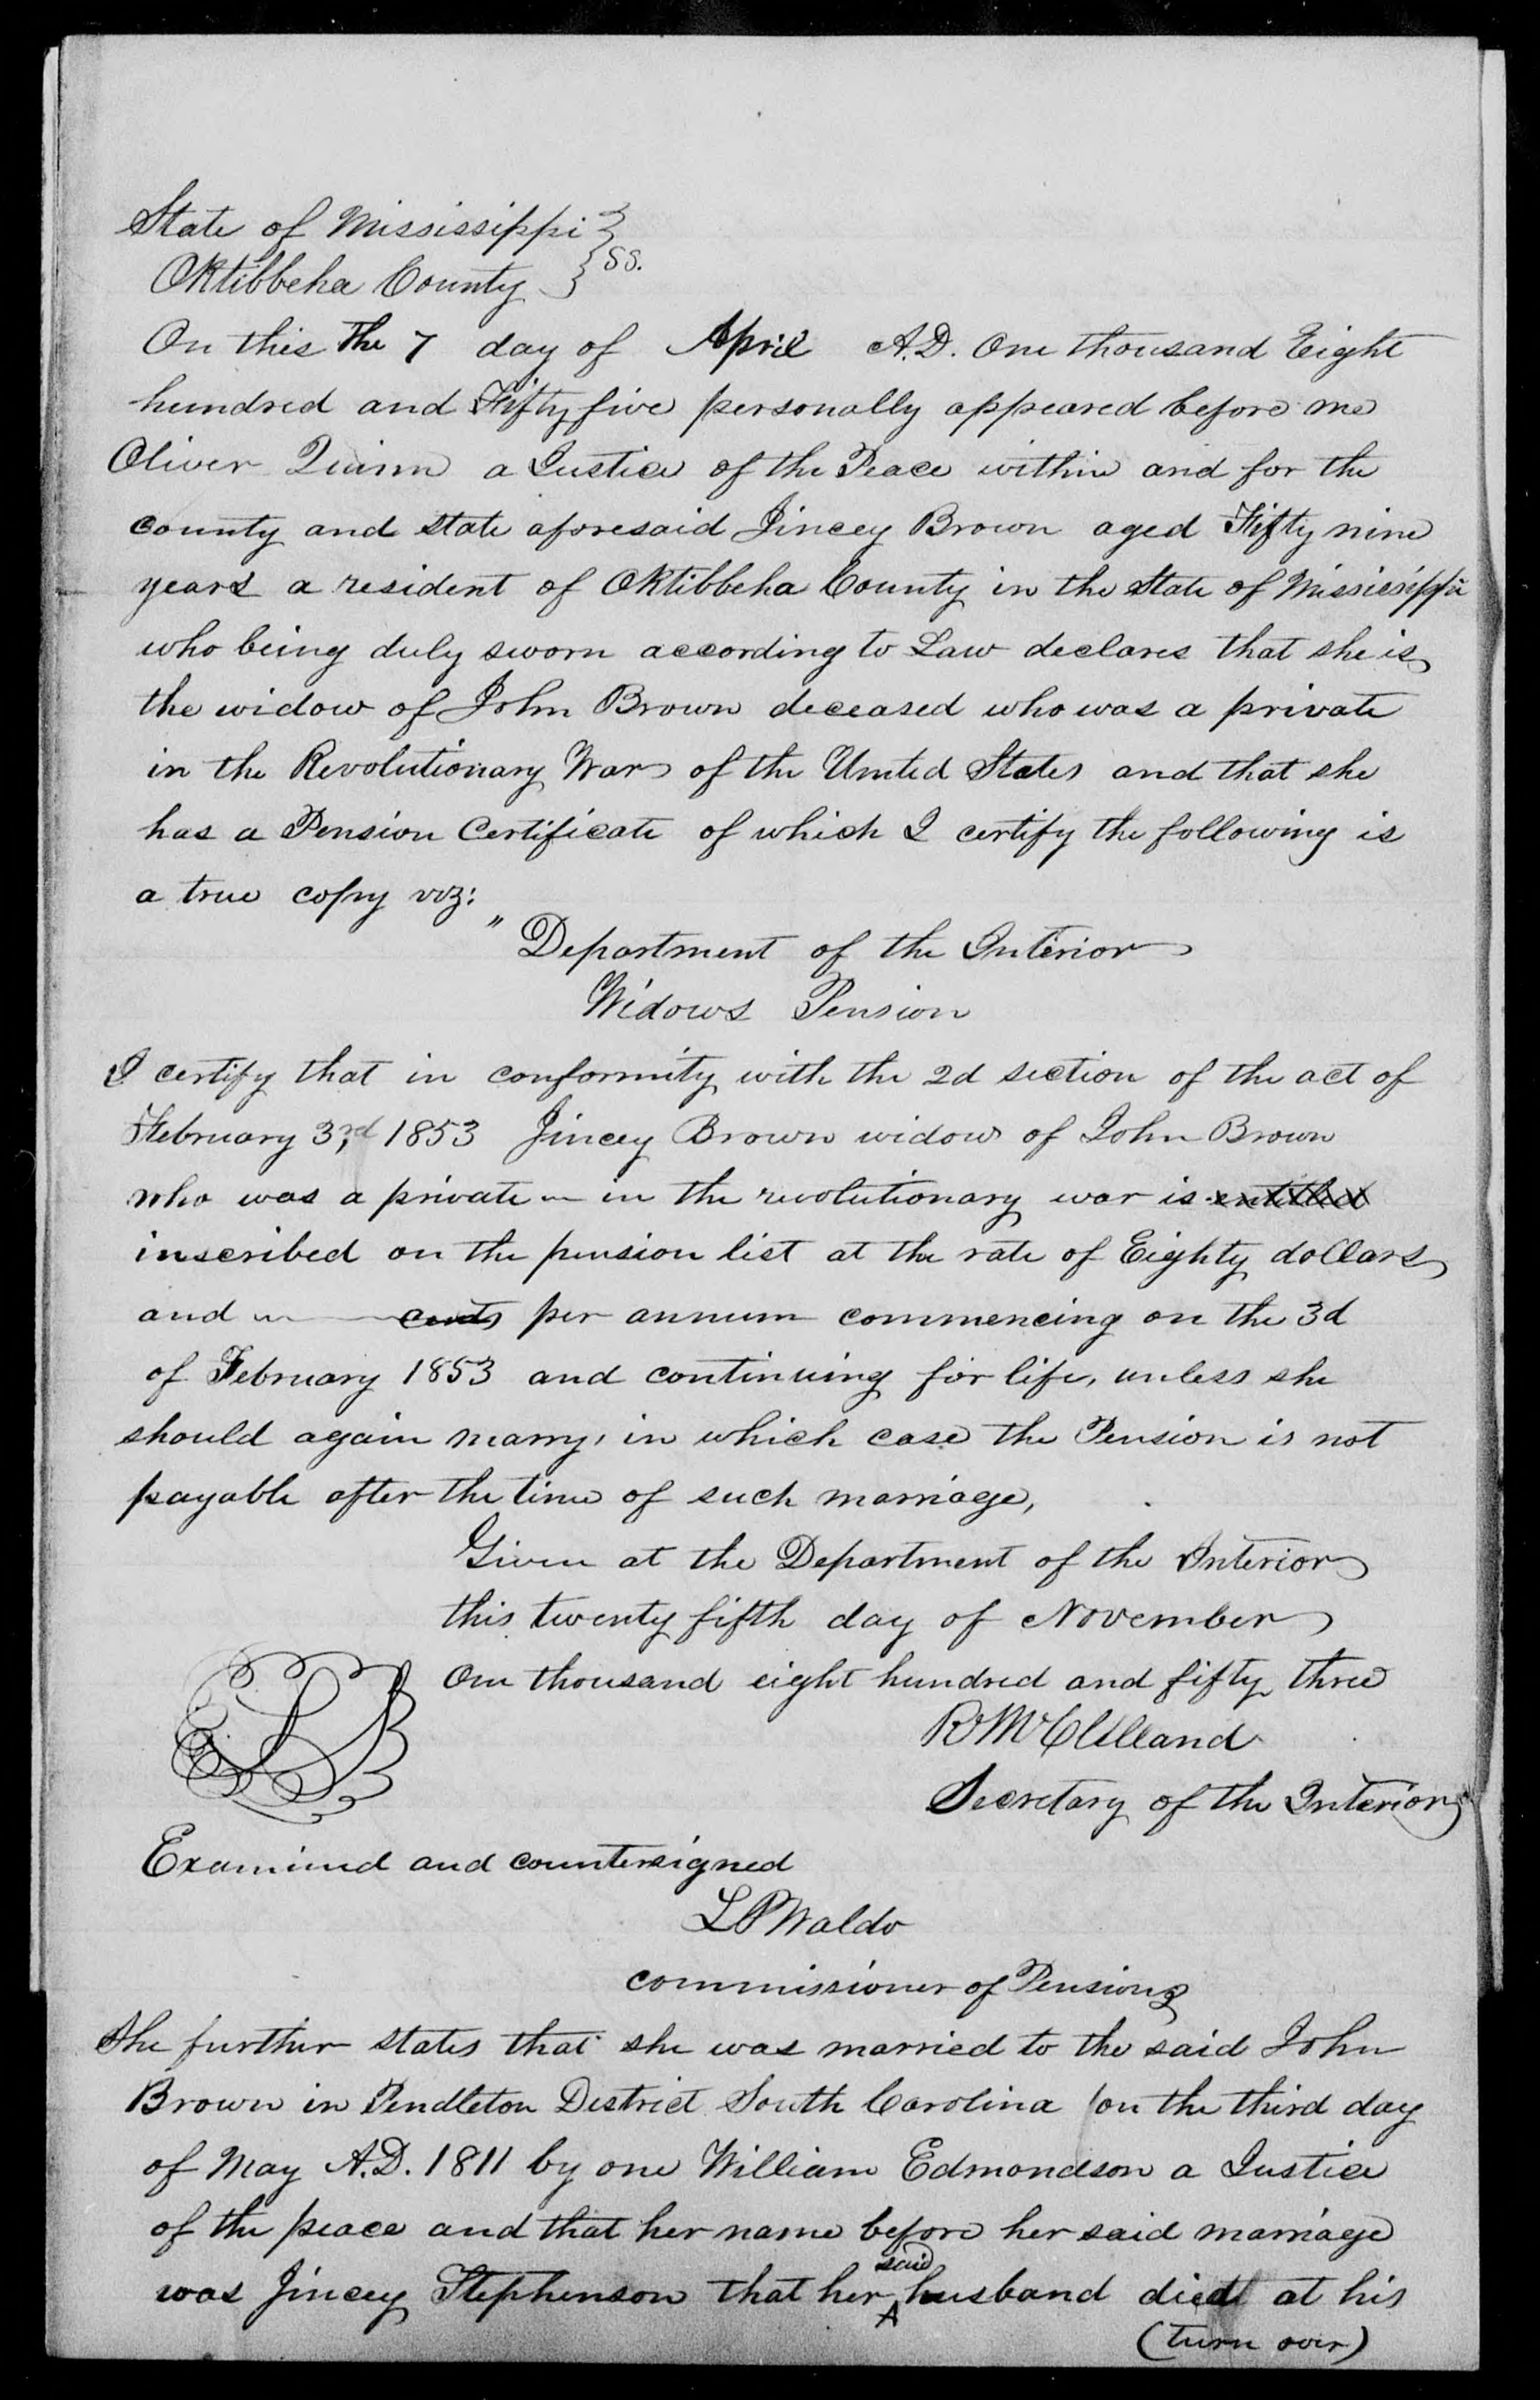State of Mississippi
Oktibbeha County   SS.

On this the 7 day of April A.D. one thousand eight hundred and fify five personally appeared before me Oliver Quinn a Justice of the Peace within and for the county and state aforesaid Jincey Brown aged fifty nine years a resident of Oktibbeha County in the state of Mississippi who being duly sworn according to Law declares that she is the widow of John Brown deceased who was a private in the Revolutionary War of the United States and that she has a pension certificate of which I certify the following is a true copy viz:

Department of the Interior
Widows Pension
I certify that in conformity with the 2d section of the act of February 3rd, 1853 Jincey Brown widow of John Brown who was a private in the revolutionary war is XXXXXX inscribed on the pension list at the rate of eighty dollars and __ cents per annum commencing on the 3d of February 1853 and continuing for life unless she should again marry, in which case the pension is not payable after the time of such marriage.

Given at the Department of the Interior this twenty fifth day of November one thousand eight hundred and fifty three.

RM Clelland
Secretary of the Interior

Examined and countersigned
LP Waldo
Commissioner of Pensions

She further states that she was married to the said John Brown in Pendleton District South Carolina on the third day of May A.D. 1811 by one William Edmondson a Justice of the Peace and that her name before her said marriage was Jincey Stephenson that her said husband died at his
(turn over)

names: John Brown, John Brown, Jincey Brown, William Edmondson, William Edmondson, Jincey Brown, R M Clelland, Oliver Quinn, L P Waldo, John Brown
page: 15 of 85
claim: widow's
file: W. 5,906, John Brown, S.C.